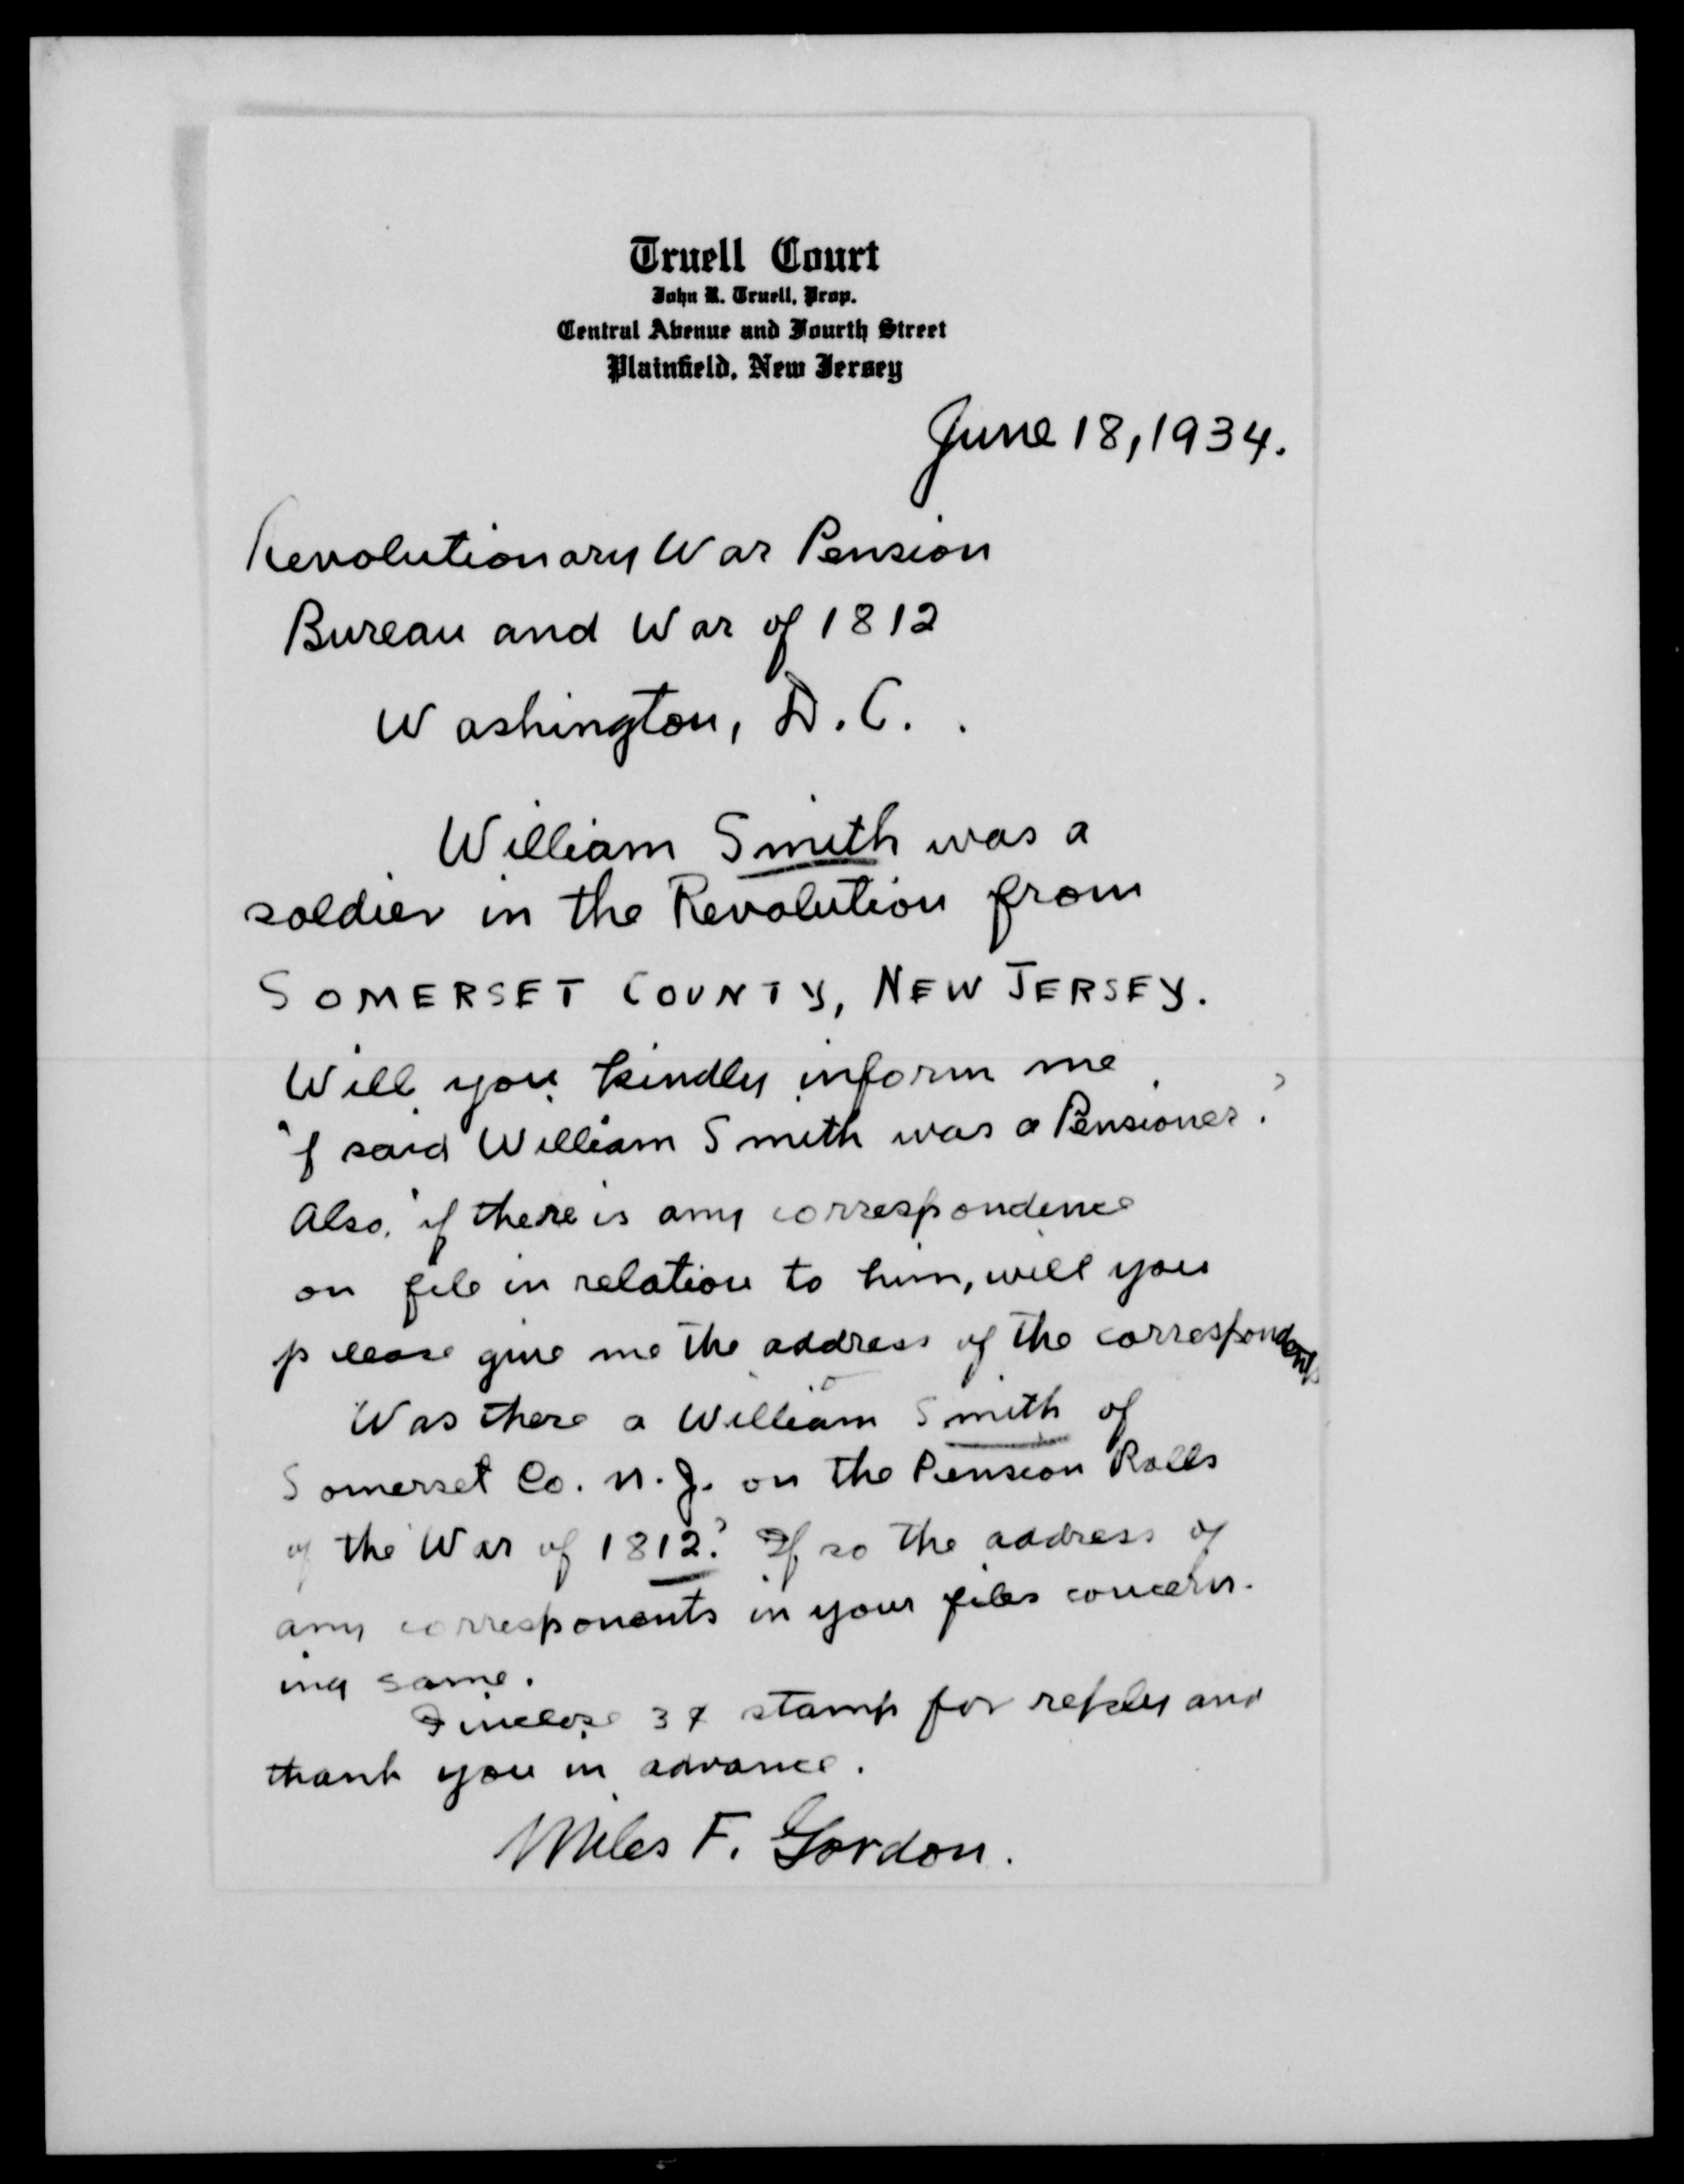Truell Court
John [hard to read]
Central Abrenue and Fourth Street
Plainfield, New Jersery
June 18, 1934

Revolutionary War Pension
Bureau and War of 1812
Washington, D.C.

William Smith was a
soldier in the Revolution from
SOMERSET COUNTY, NEW JERSEY.
Will you kindly inform me
said William Smith was a Pensioner.
also, if there is any correspondence
on file in relation to him, will you
please give me the address of the correspond
was there a William Smith of
Somerset Co. N.J. on the Pension Rolls
of the War of 1812. off to the address of
any correspondents in your fear concern
my same.
[??]  & stamp for return and
thank you in advance
Miles F. Gordon
John L. Orwell, Pres.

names: William Smith; John R Truell; William Smith; Miles F Gordon; William Smith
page: 18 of 27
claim: survivor's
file: S. 915, for William Smith, New Jersey